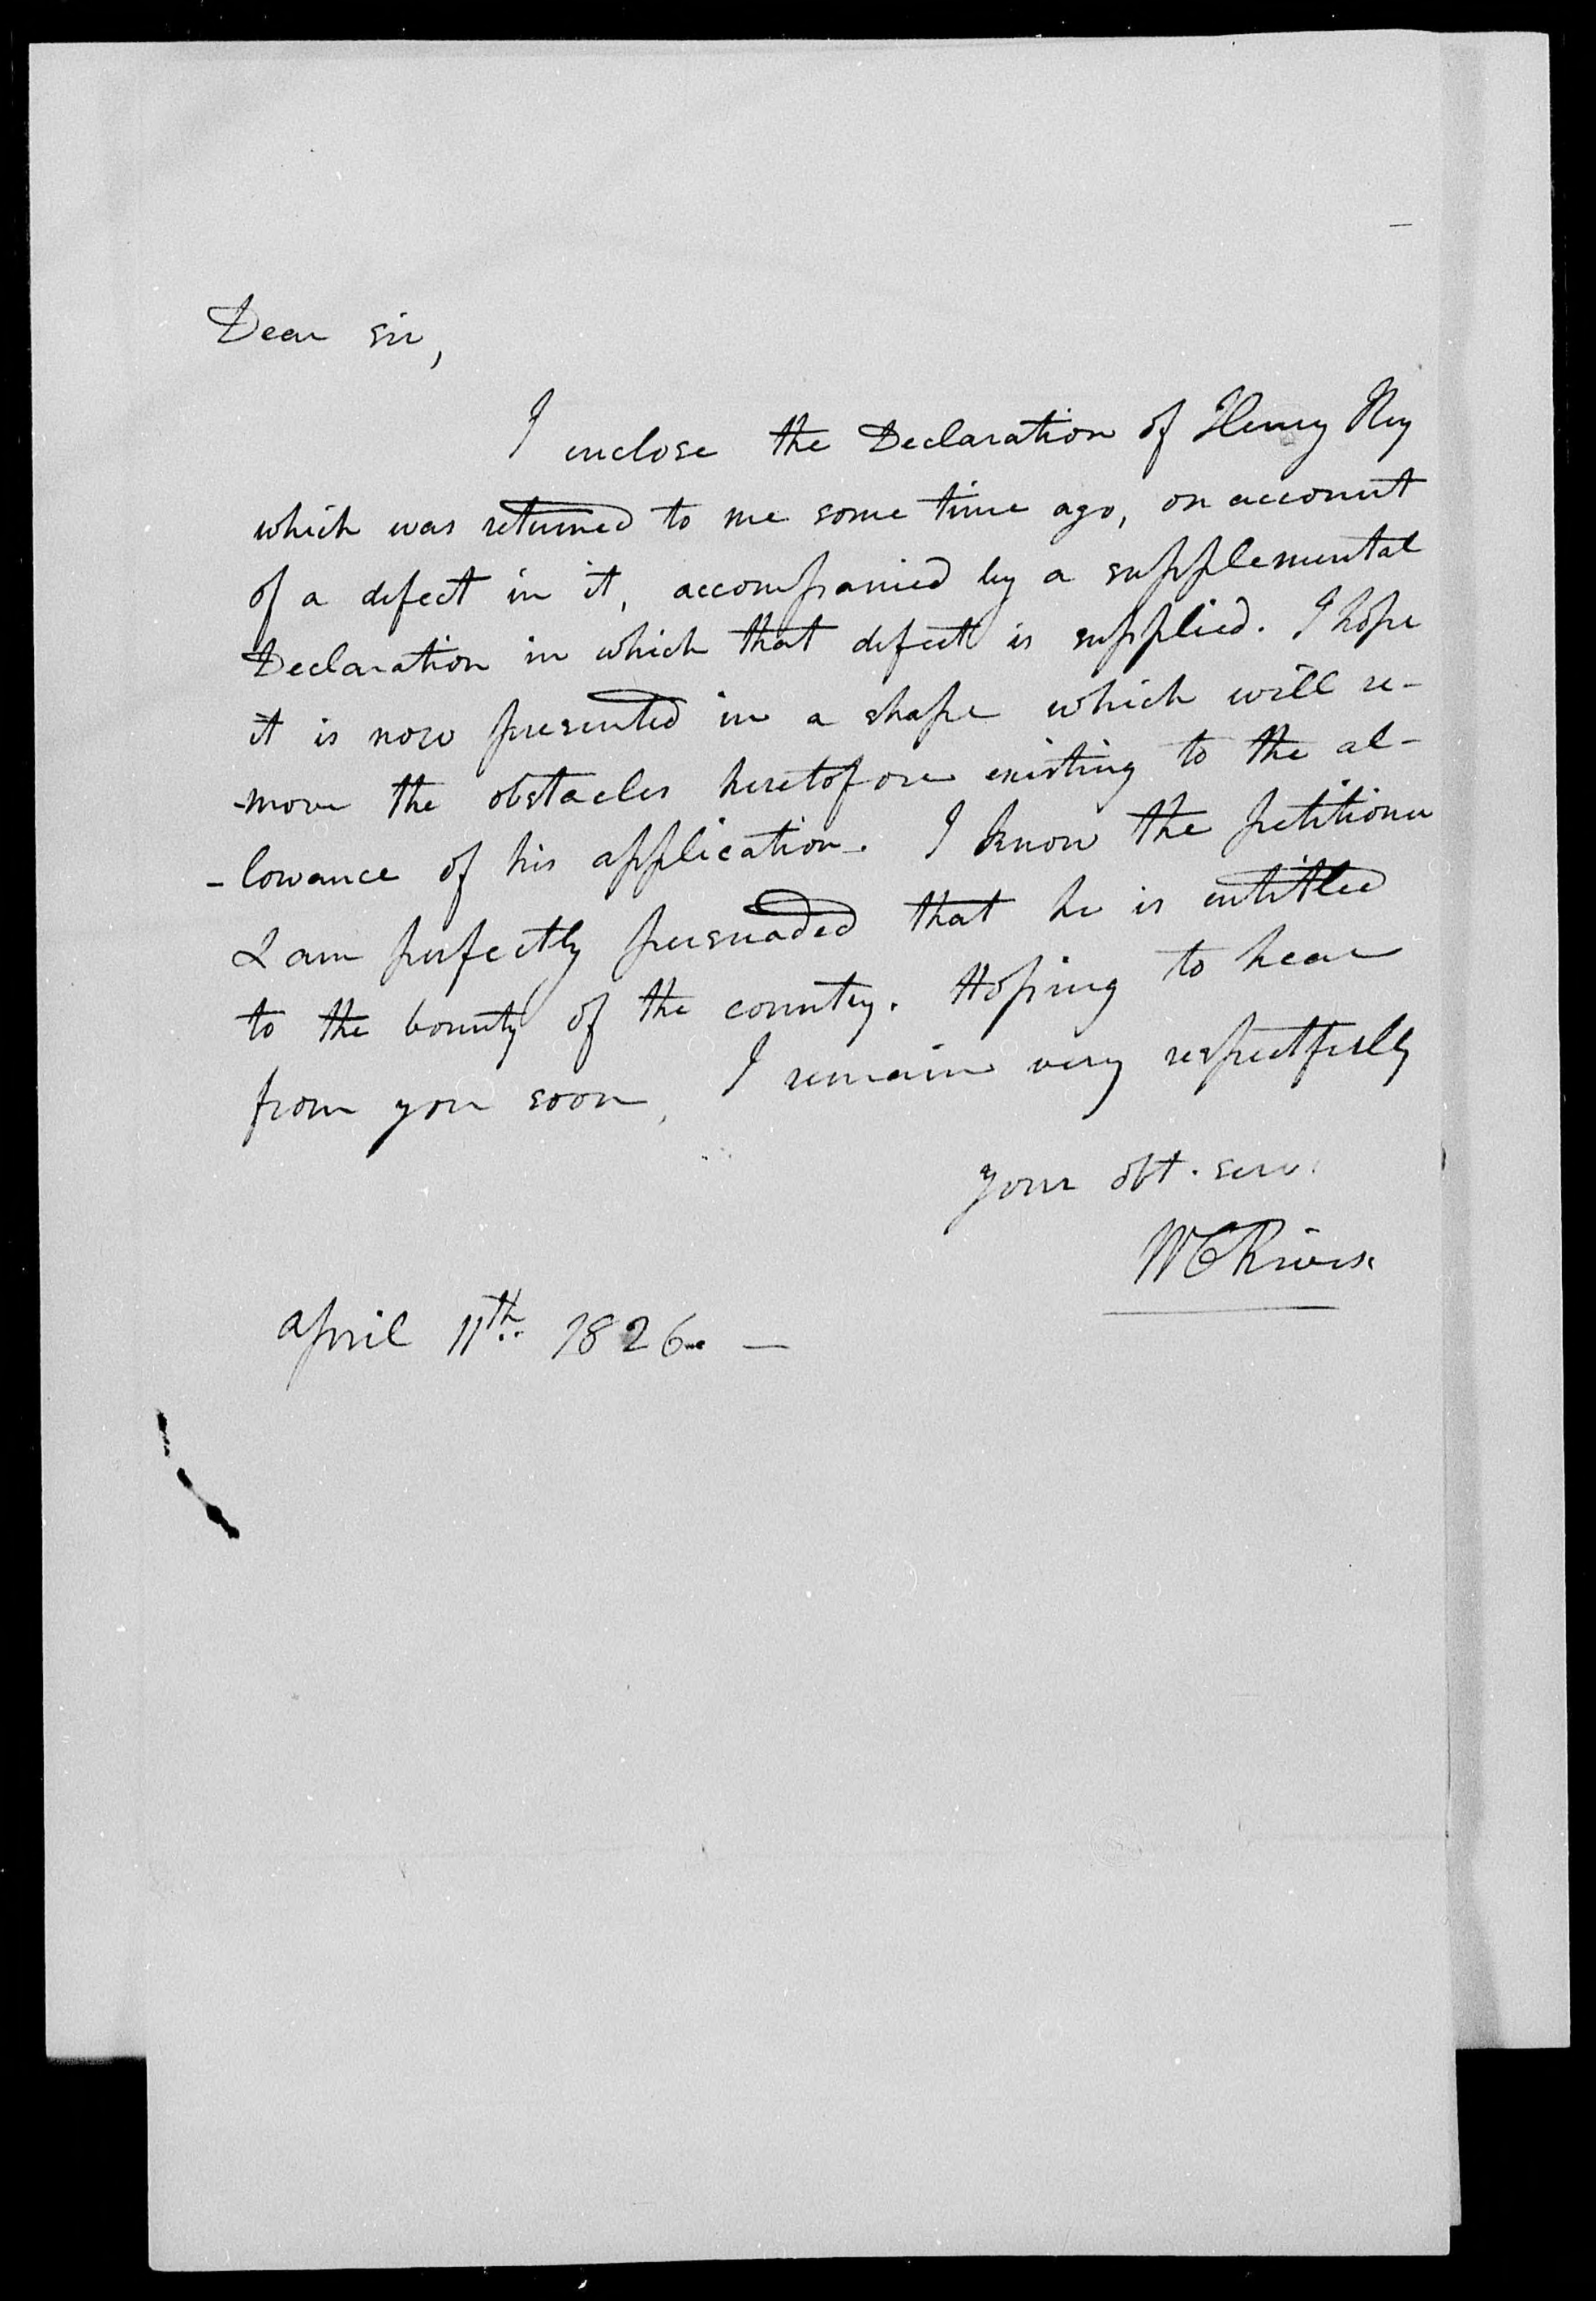Page 11

Dear sir,

I enclose the Declaration of Henry Key
which was returned to me some time ago, on account of a defect in it, accompanied by a supplemental Declaration in which that defect is supplied. I hope it is now presented
in a shape which will remove the obstacles heretofore existing allowance of his application. I know the petitioner I am perfectly persuaded that he is entitled to the bounty of the country.
Hoping to hear from you soon

I remain very respectfully
your obt. serv.
W C Riv[illegible]

April 11th 1826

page: 11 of 25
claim: survivor's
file: S 38116, for Henry Key, Virginia